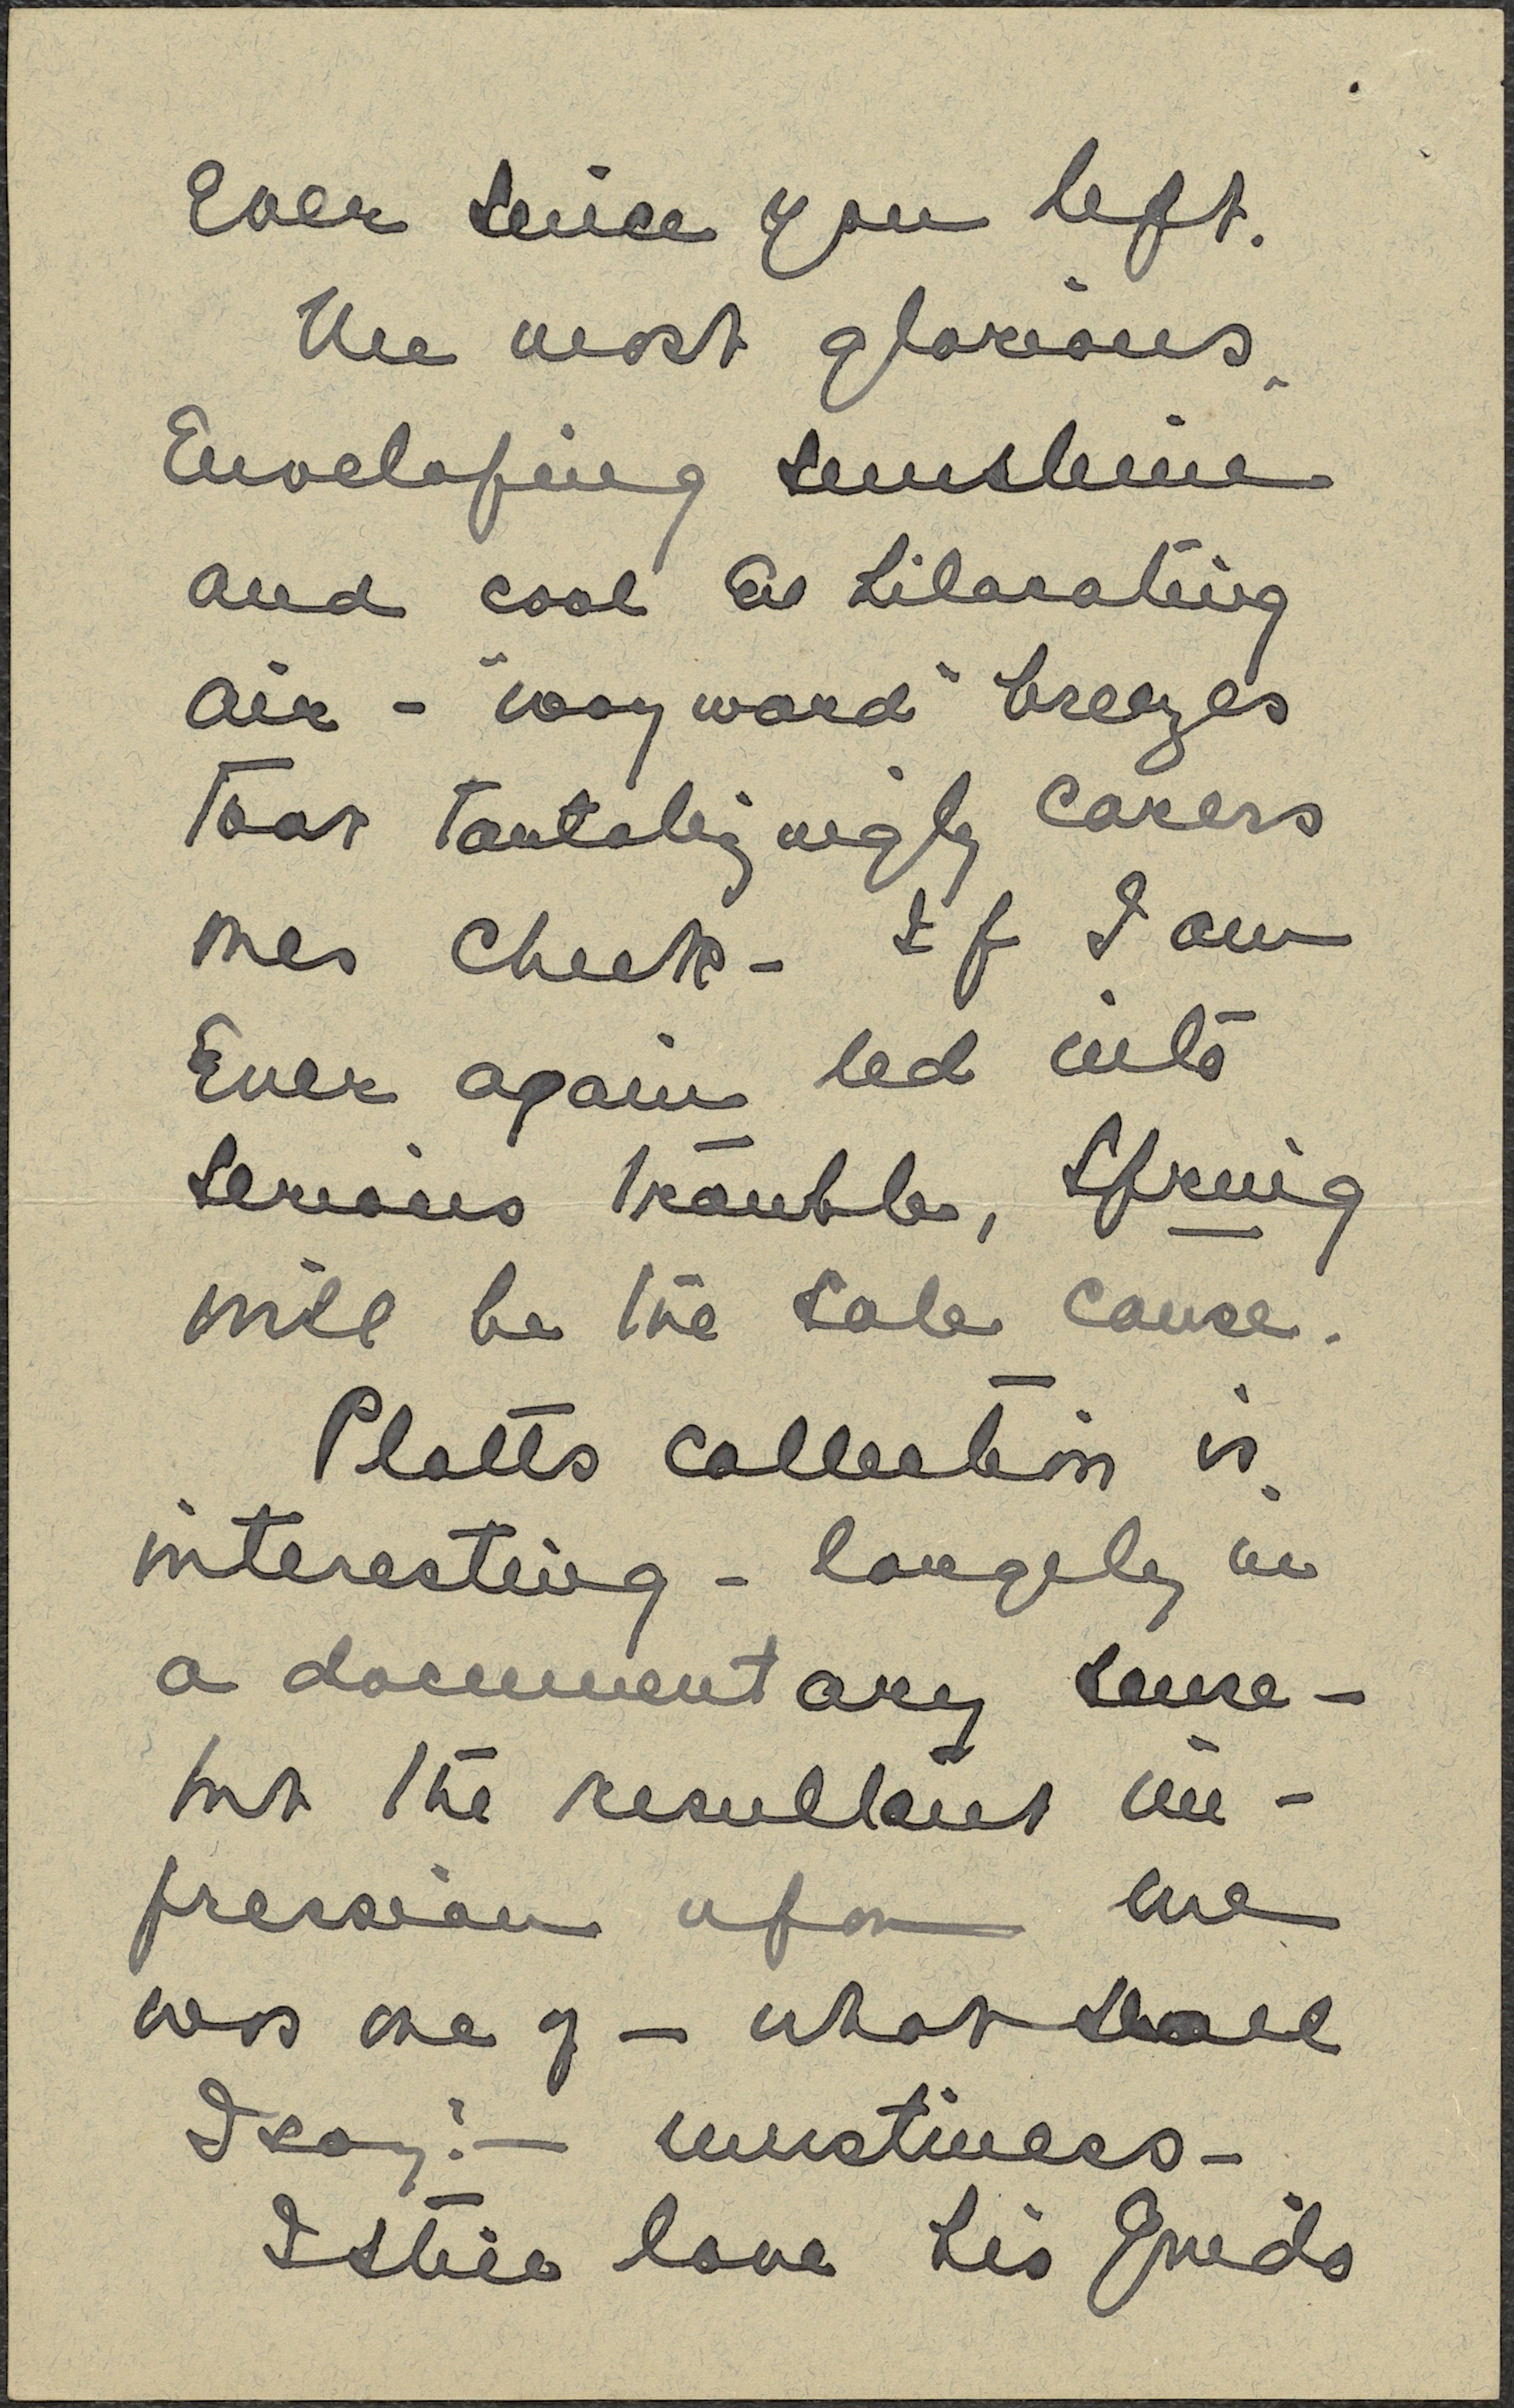ever since you left.
The most glorious enveloping sunshine and cool exhilarating air – "wayward" breezes that tantalizingly caress ones cheek – If I am ever again led into serious trouble, Spring will be the sole cause.
Platts collection is interesting – largely in a documentary sense – but the resultant impression upon me was one of – what shall I say? – mustiness –
I still love his Guido